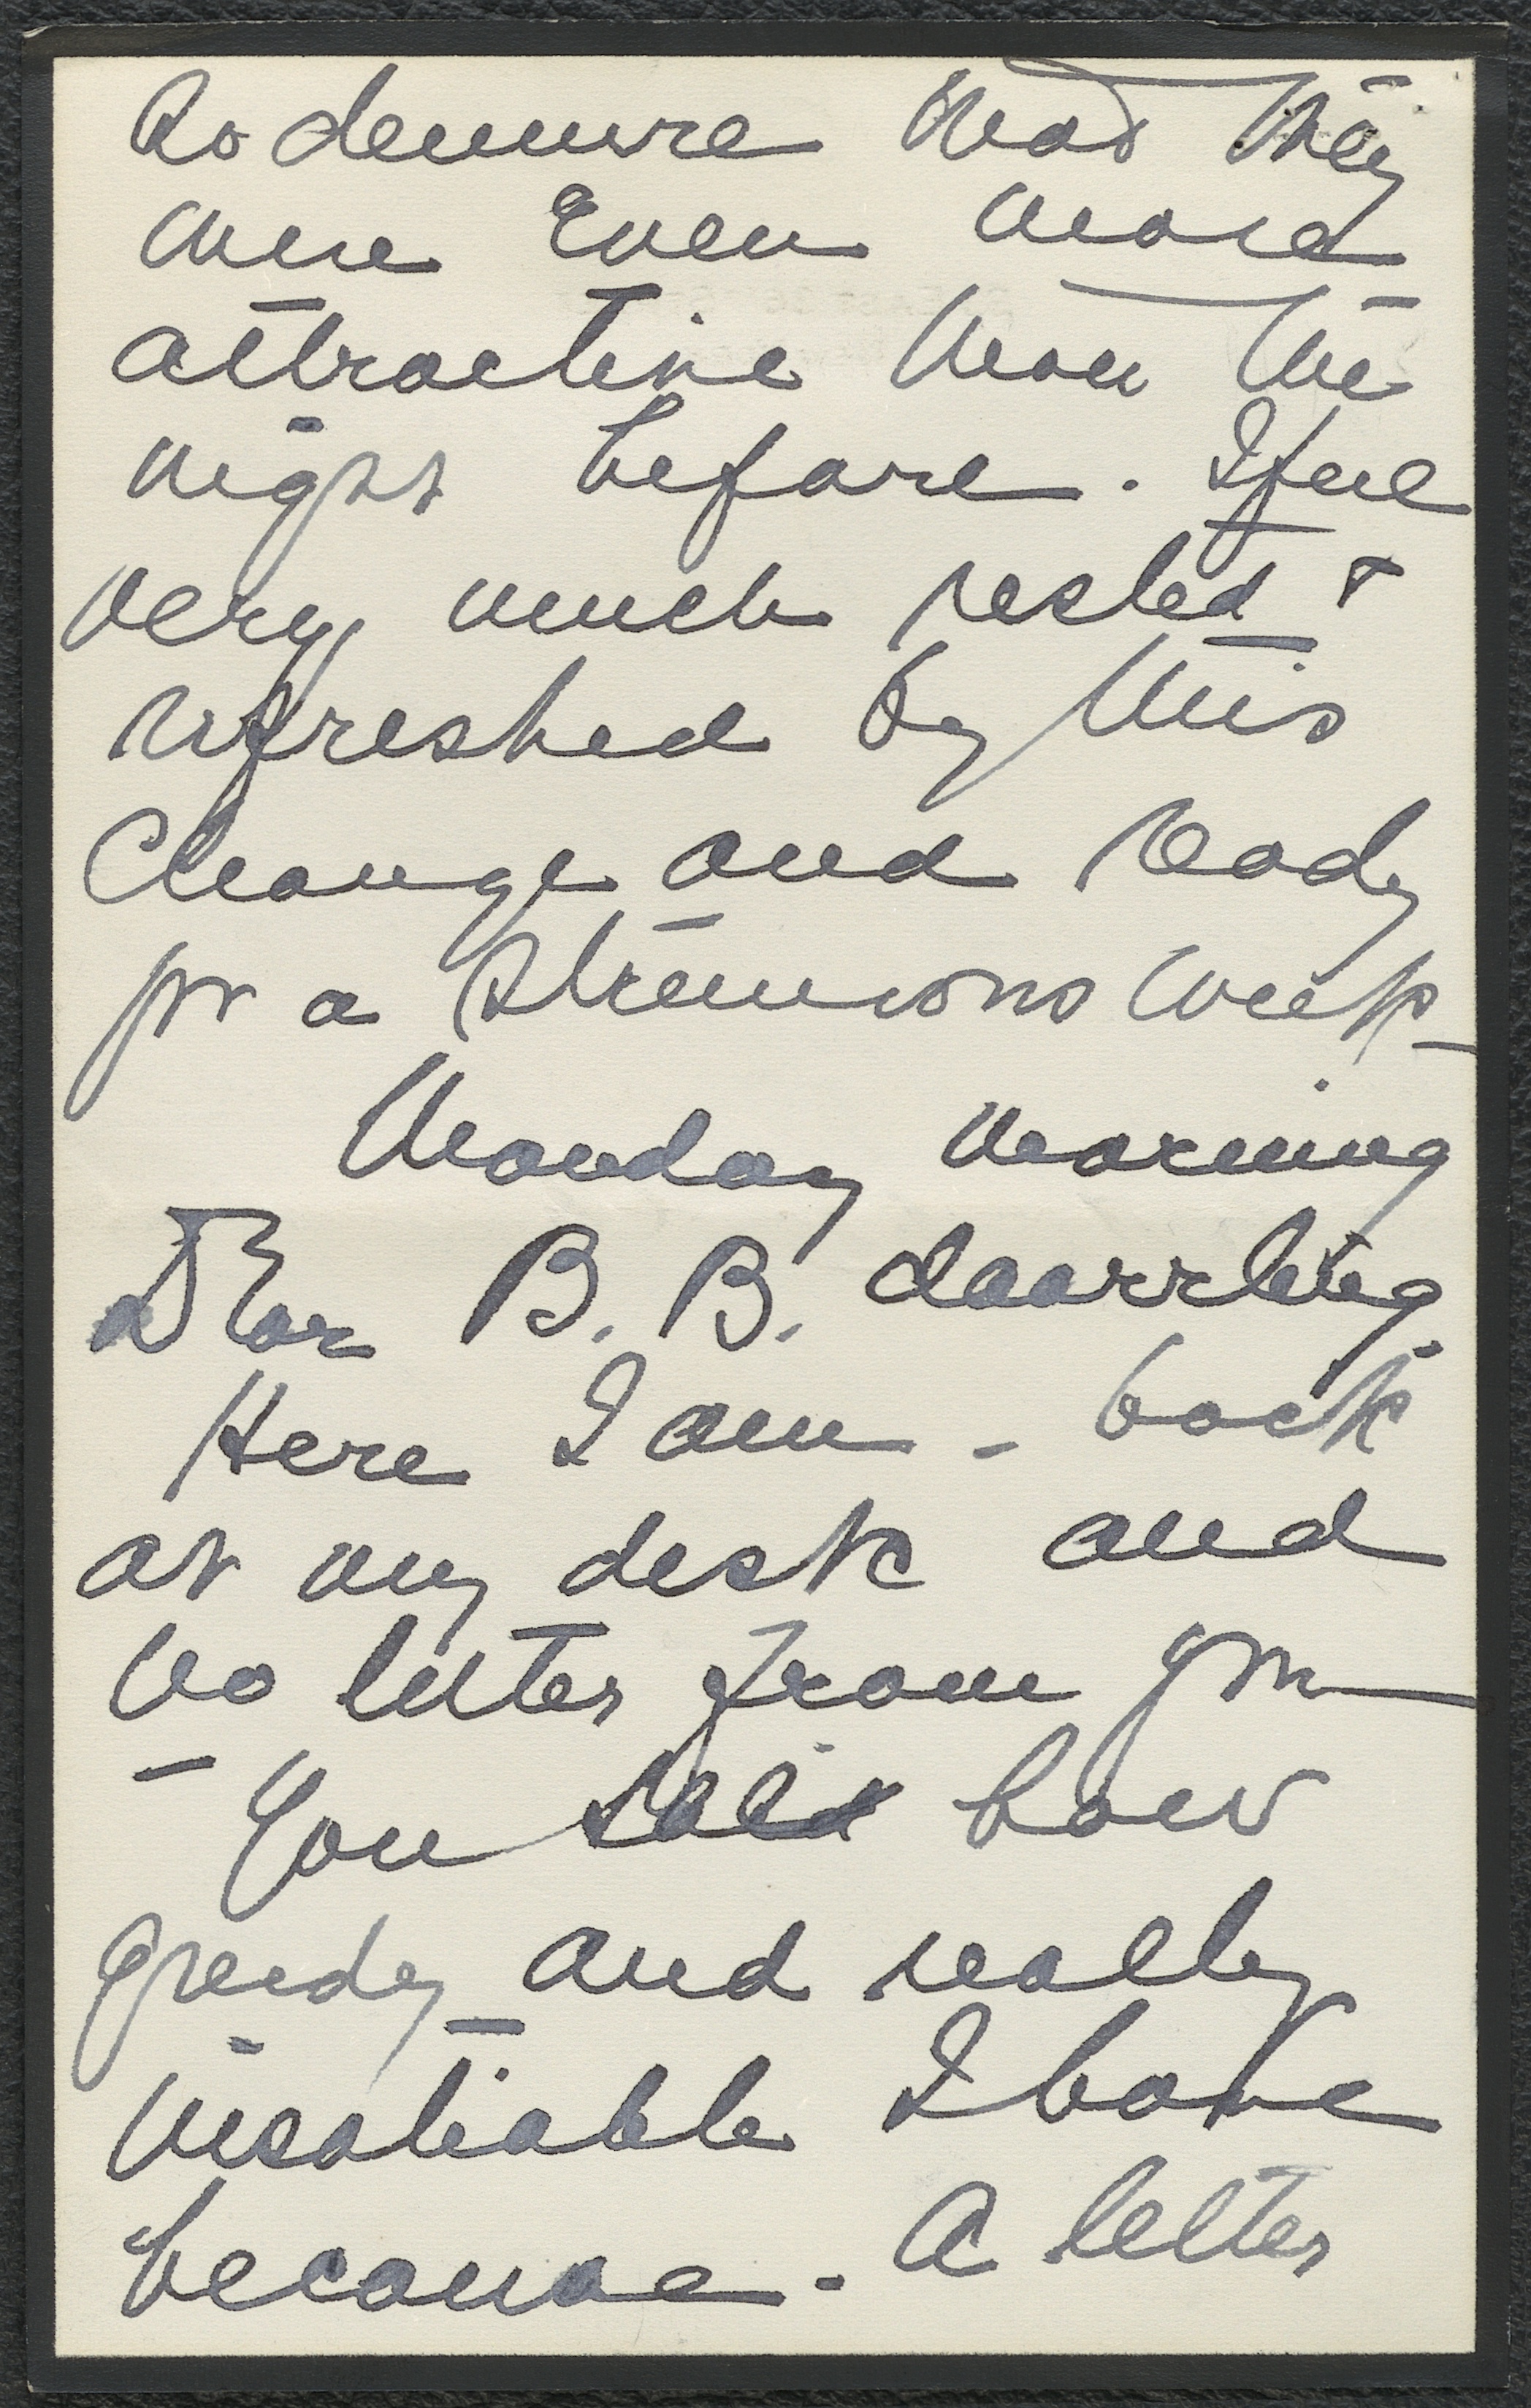so demure that they were even more attractive than the night before. I feel very much rested & refreshed by this change and ready for a strenuous week –
Monday morning
Dear B.B. daarrling [sic], Here I am – back at my desk and no letter from you – you said how greedy and really insatiable I have become – a letter